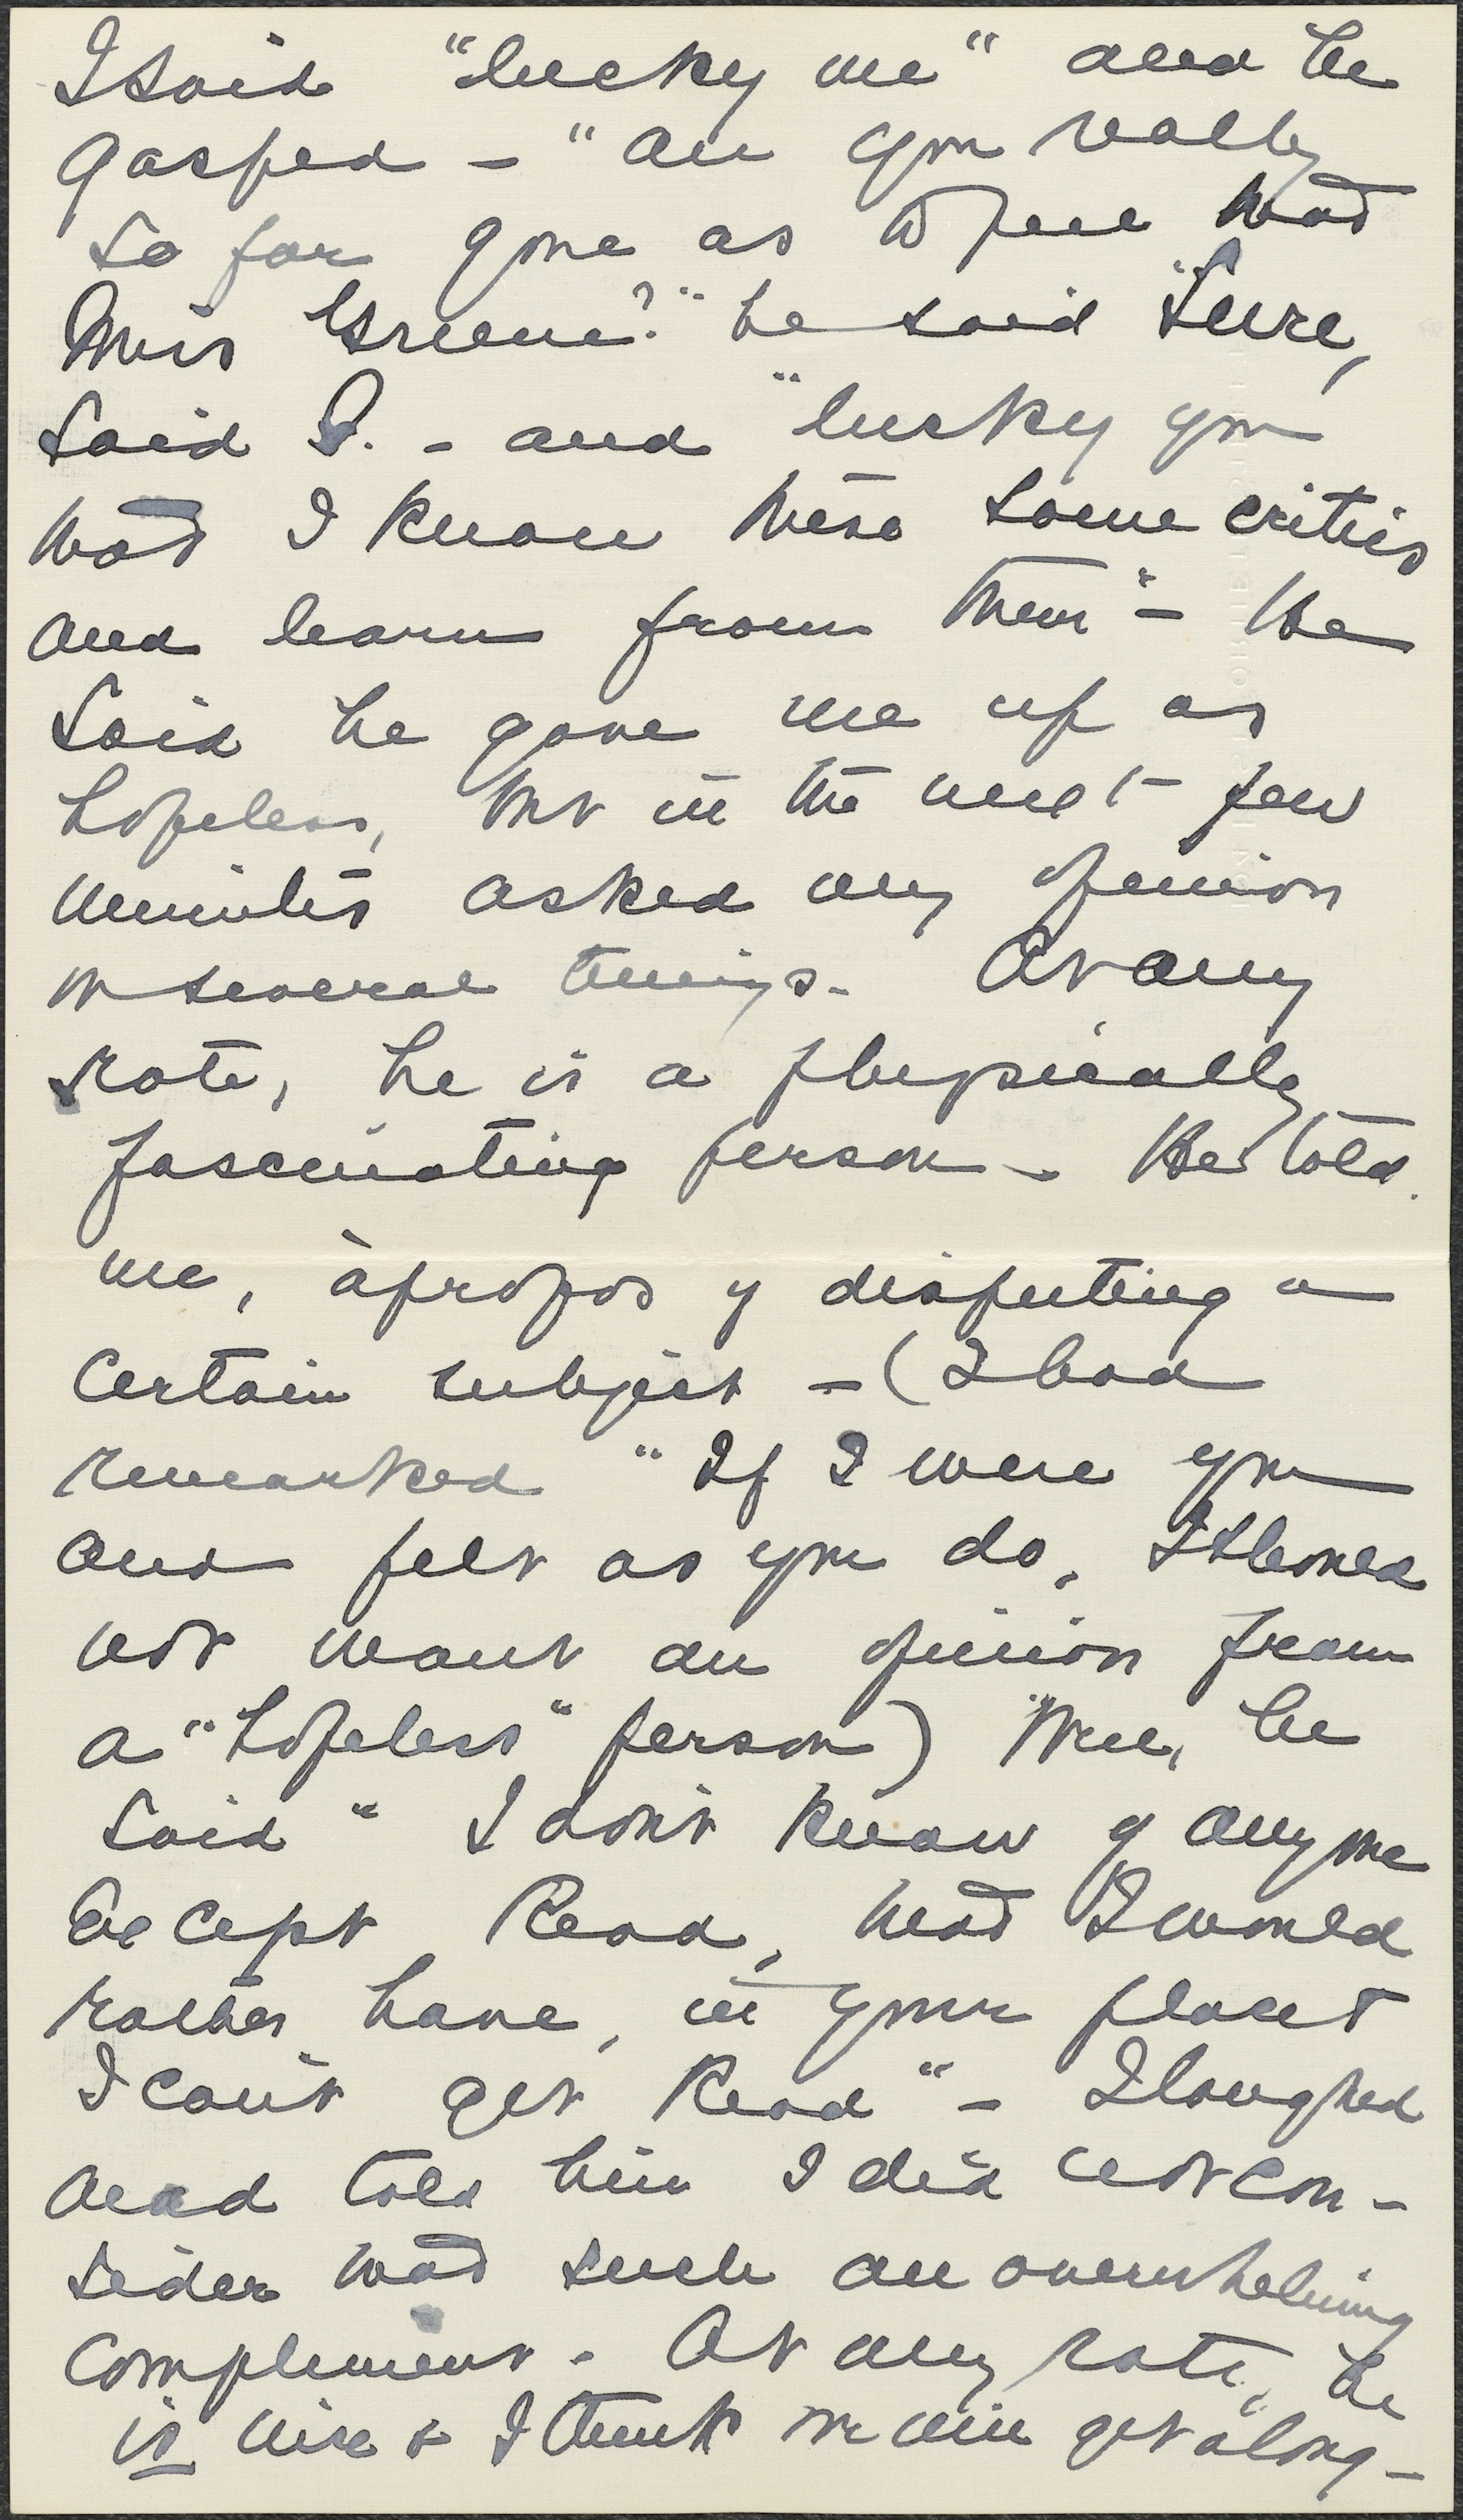I said “lucky me” and he gasped – “are you really so far gone as to feel that Miss Greene?” he said “Sure, said I – and “lucky you that I know these same critics and learn from them” – He said he gave me up as hopeless, but in the next few minutes asked my opinion on several things – At any rate, he is a physically fascinating person – He told me, à propos of disputing a certain subject – (I had remarked “If I were you and felt as you do, I should not want an opinion from a “hopeless” person) “Well, he said “I don’t know of anyone except Read, that I would rather have, in your place & I can’t get Read” – I laughed and told him I did not consider that such an overwhelming compliment. At any rate, he is wise & I think we will get along –